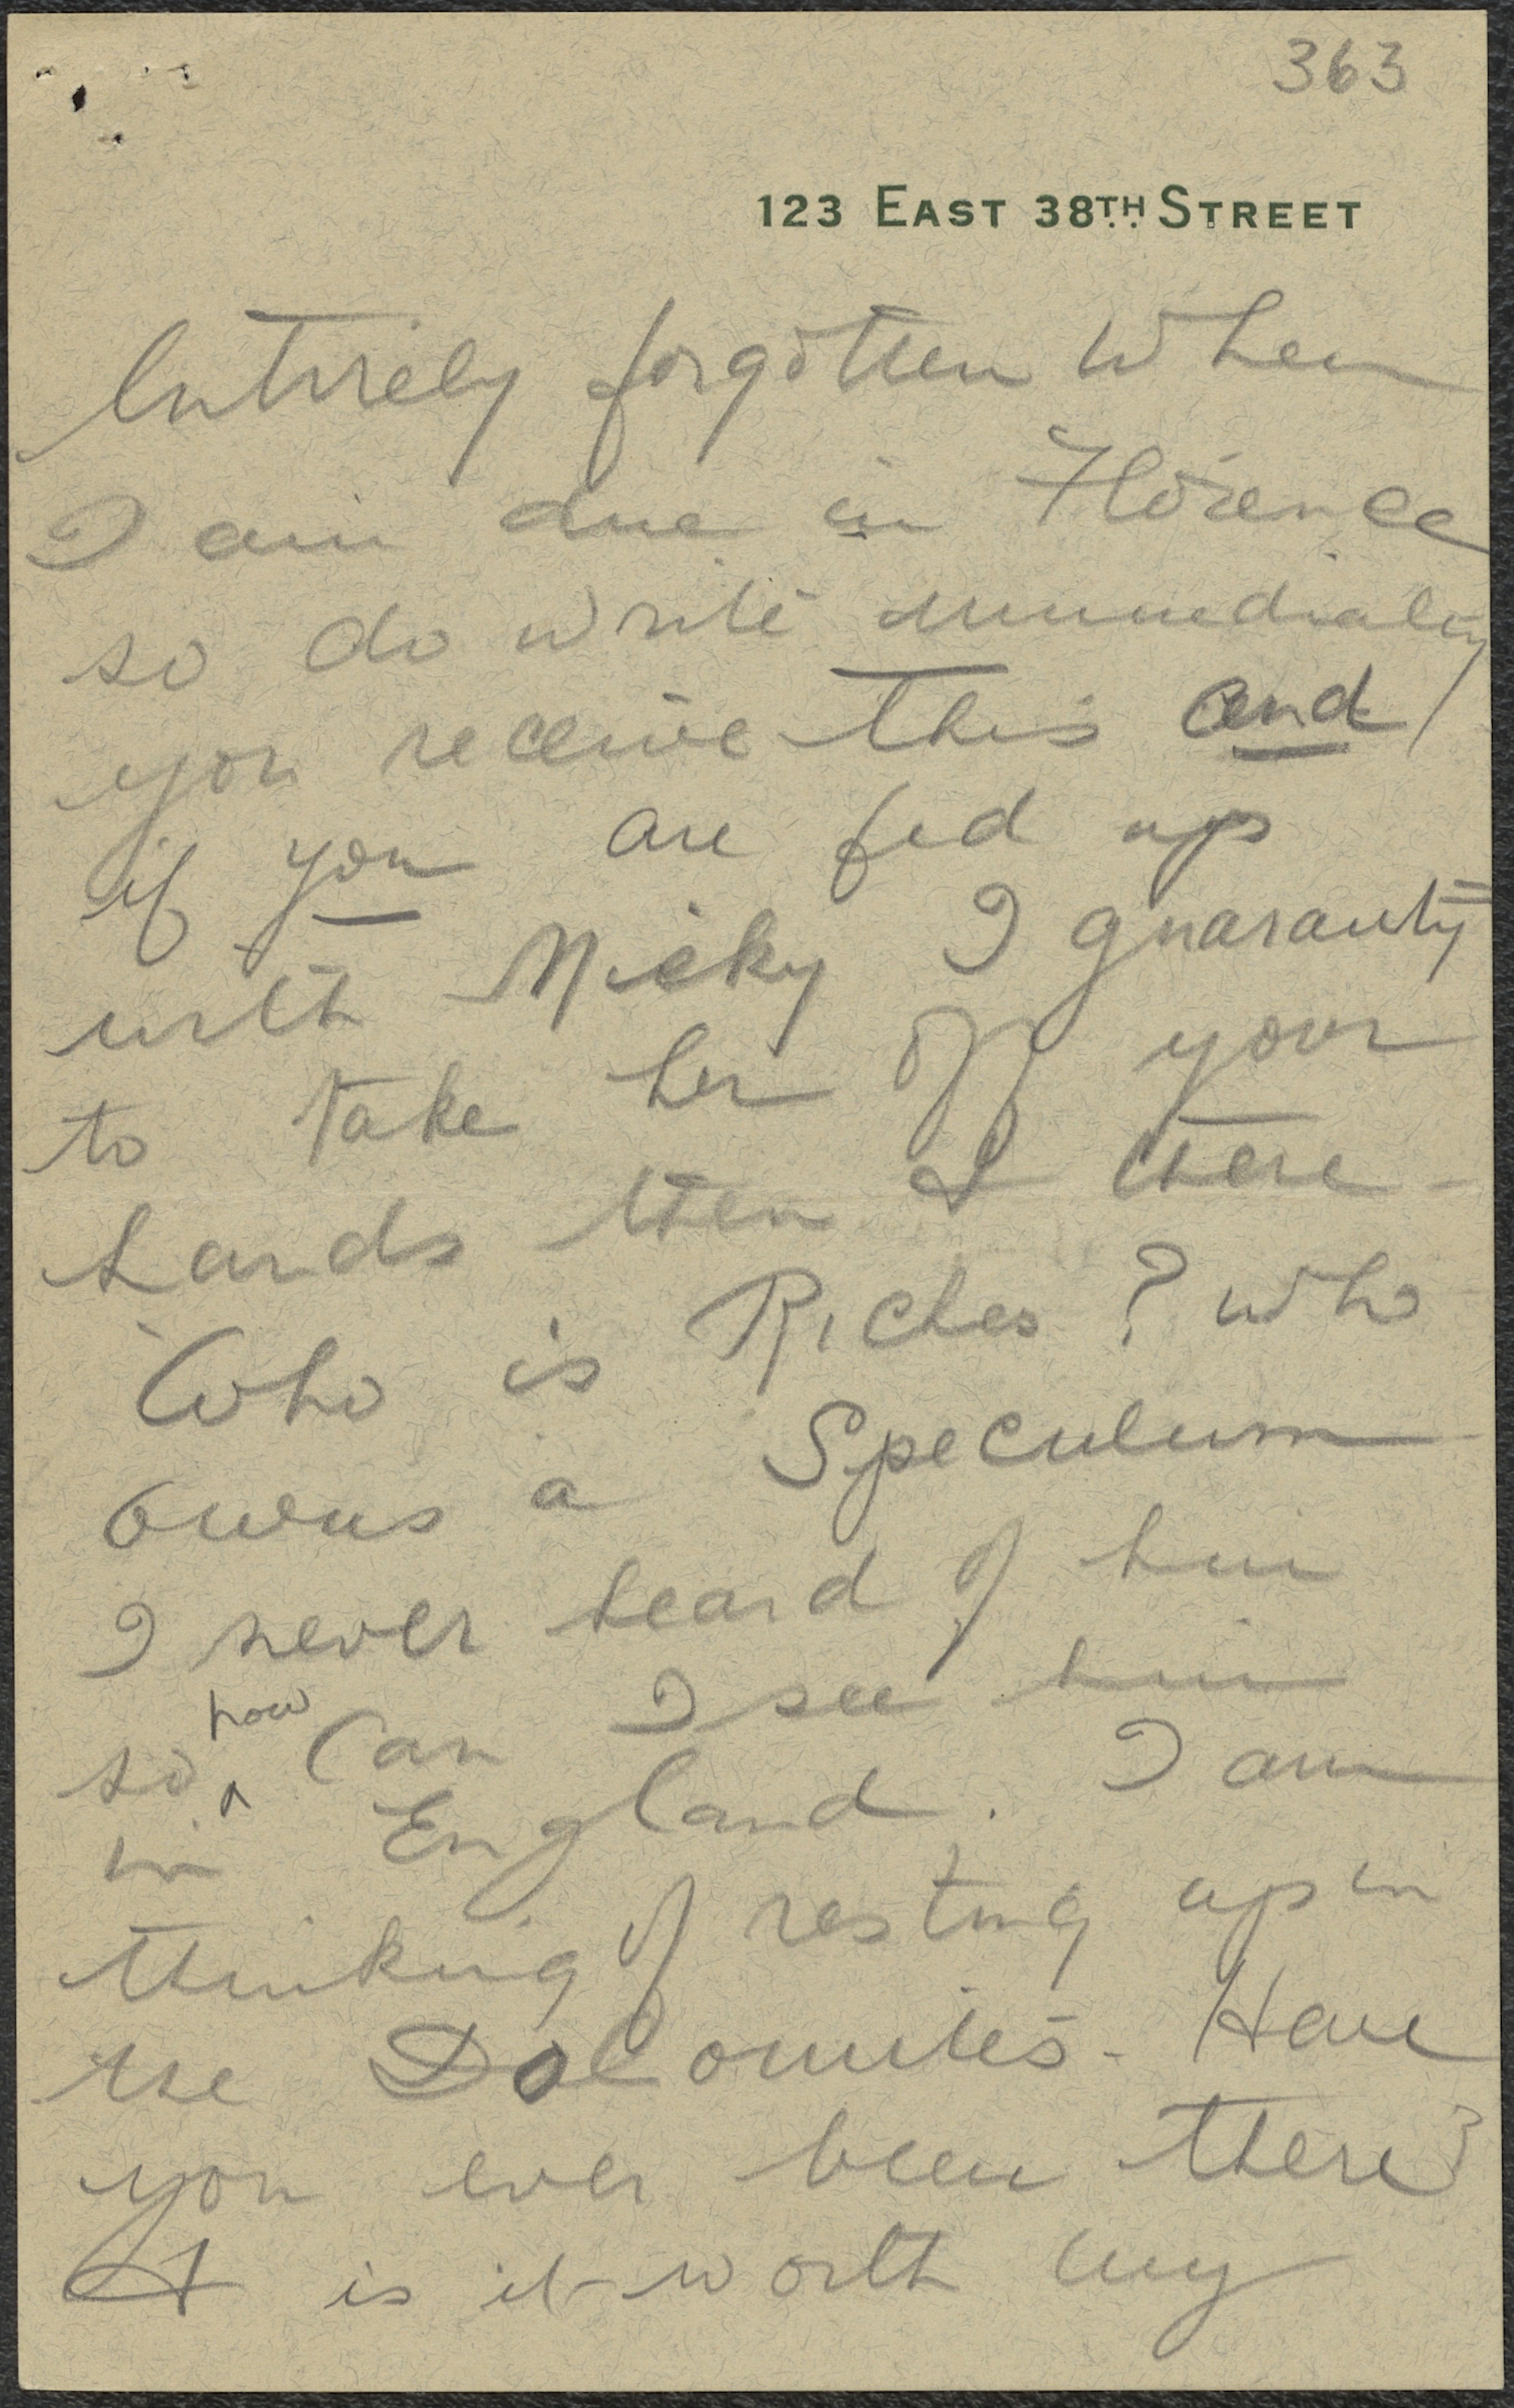entirely forgotten when I am due in Florence so do write immediately you receive this and if you are fed up with Nicky I guaranty [sic] to take her off your hands then & there –
Who is Riches? Who owns a speculum – I never heard of him so [^how^] can I see him in England. I am thinking of resting up in the Dolomites. Have you ever been there? & is it worth my